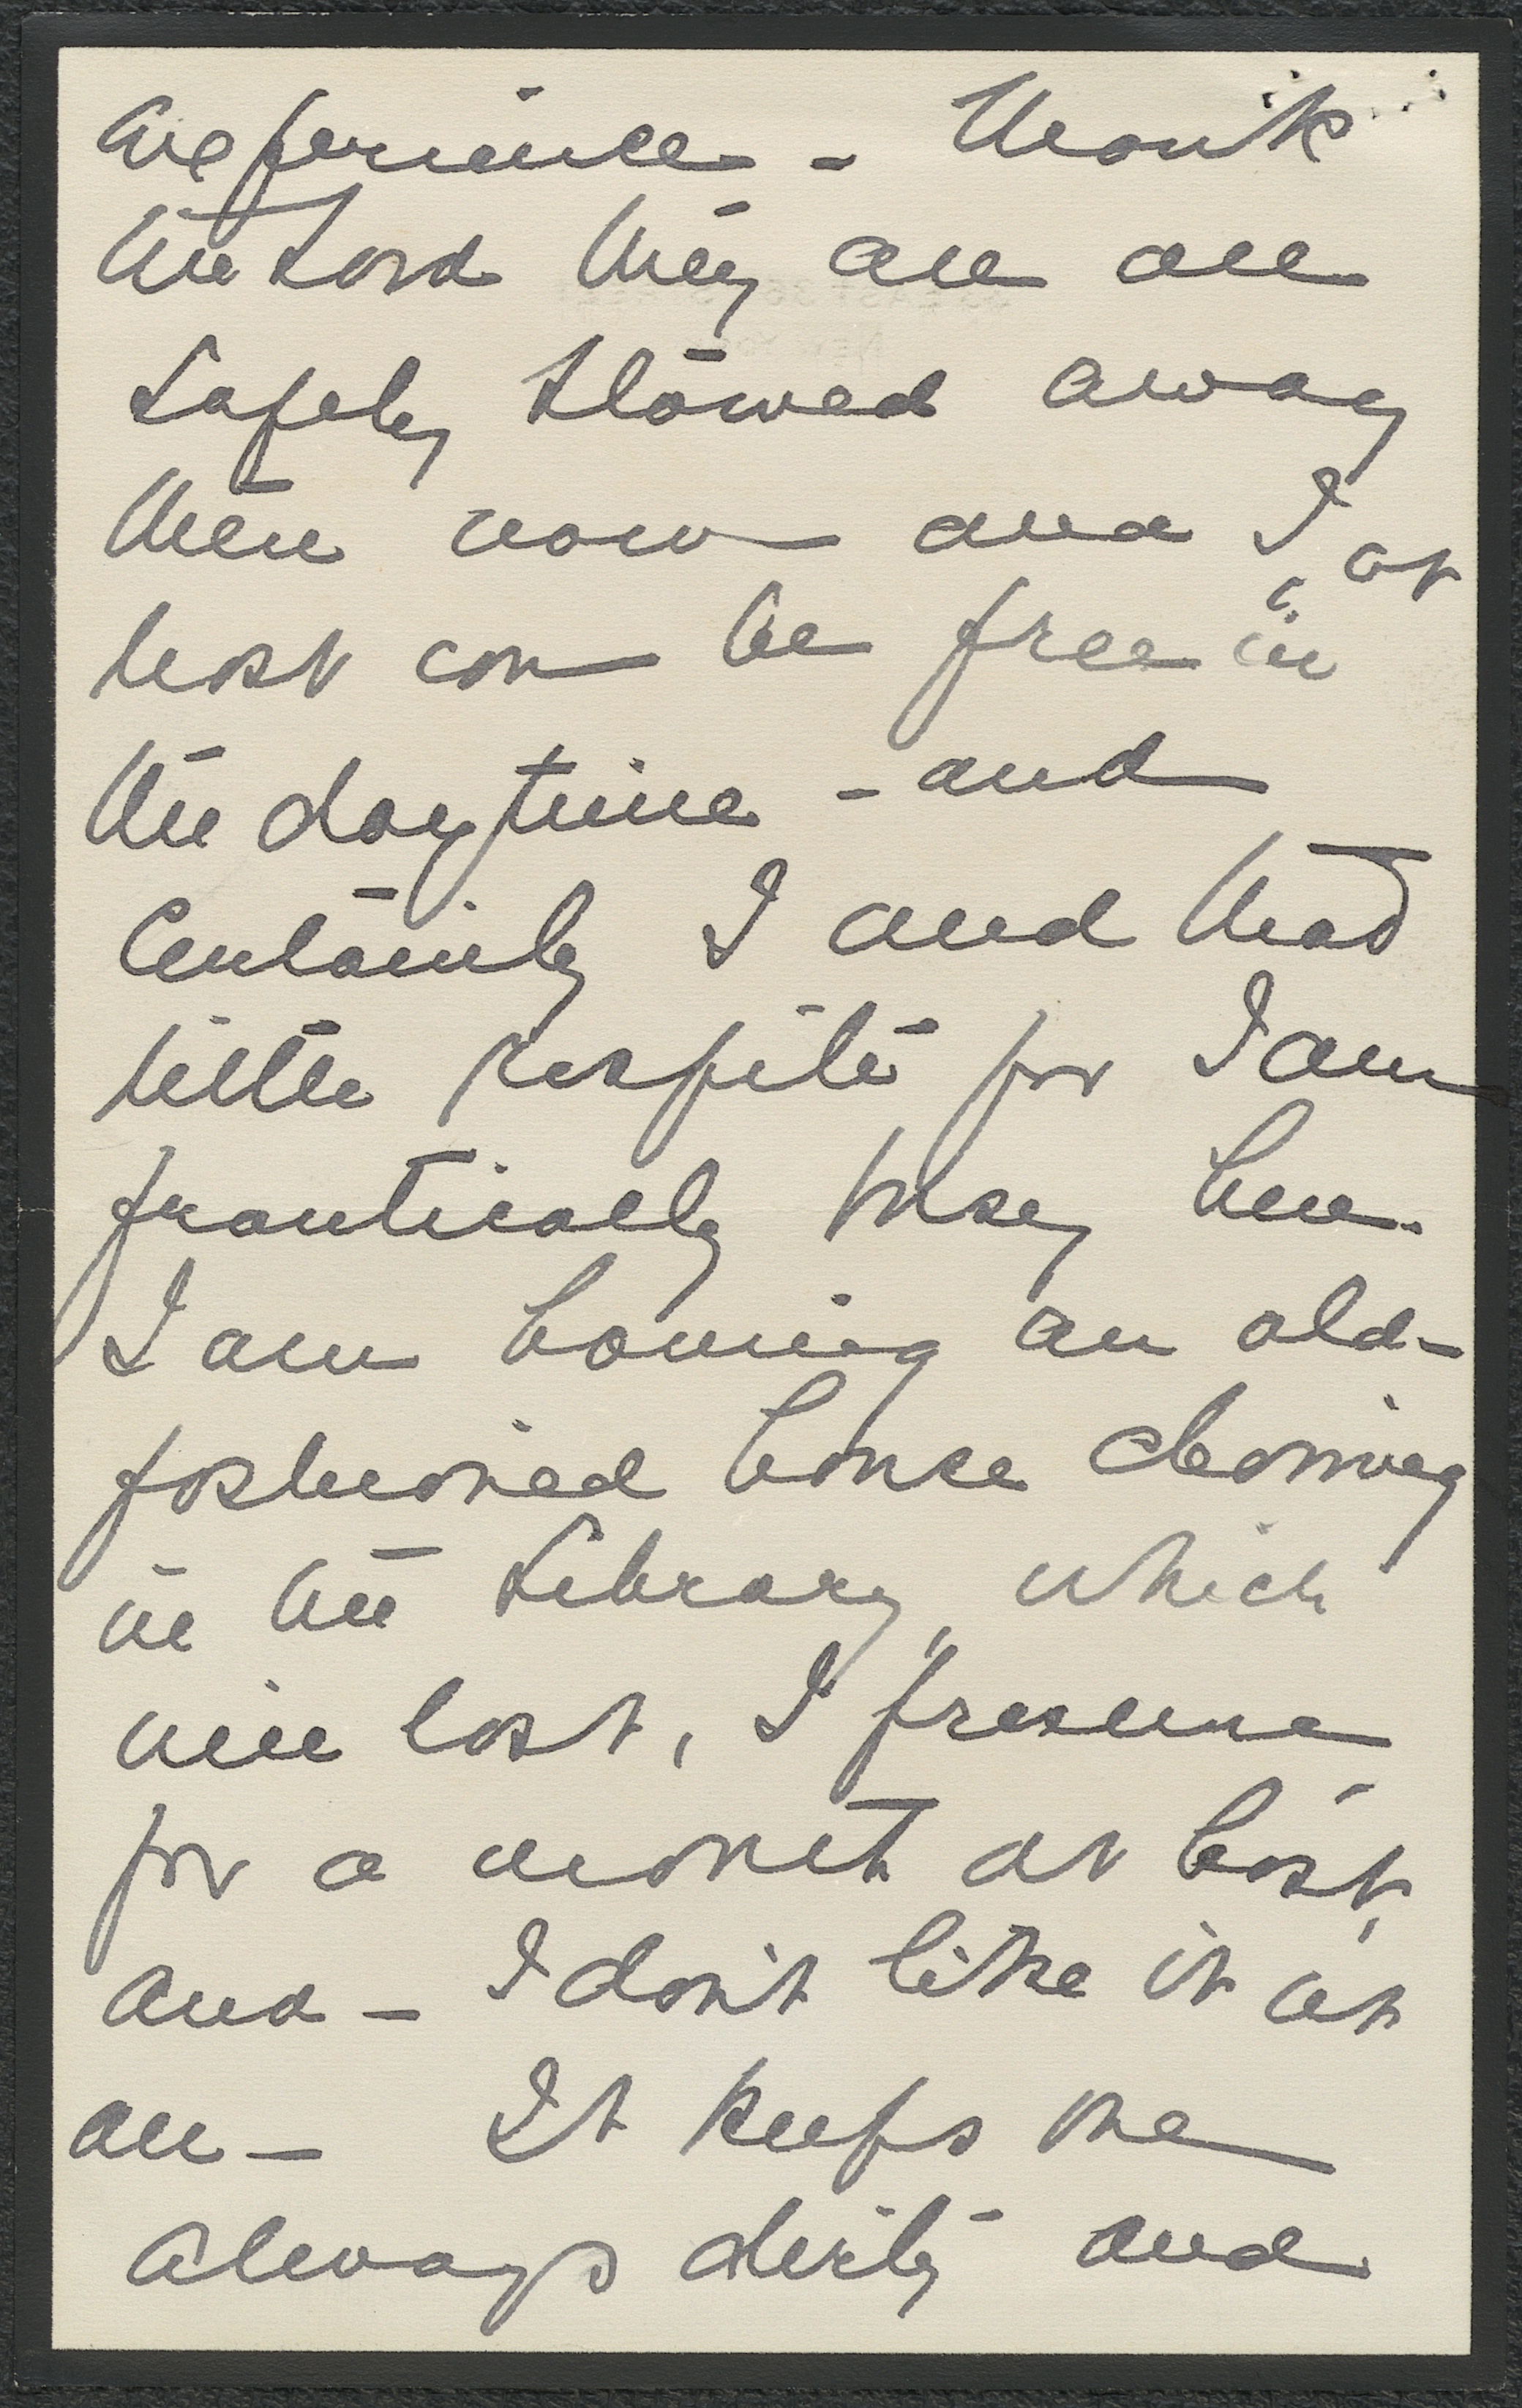experience – thank the Lord they are all safely stowed away there now and I at least can be free in the daytime – and certainly I need that little respite for I am frantically busy here. I am having an old-fashioned house cleaning in the Library, which will last, I presume, for a month at least, and – I don’t like it at all – It keeps me always dirty and